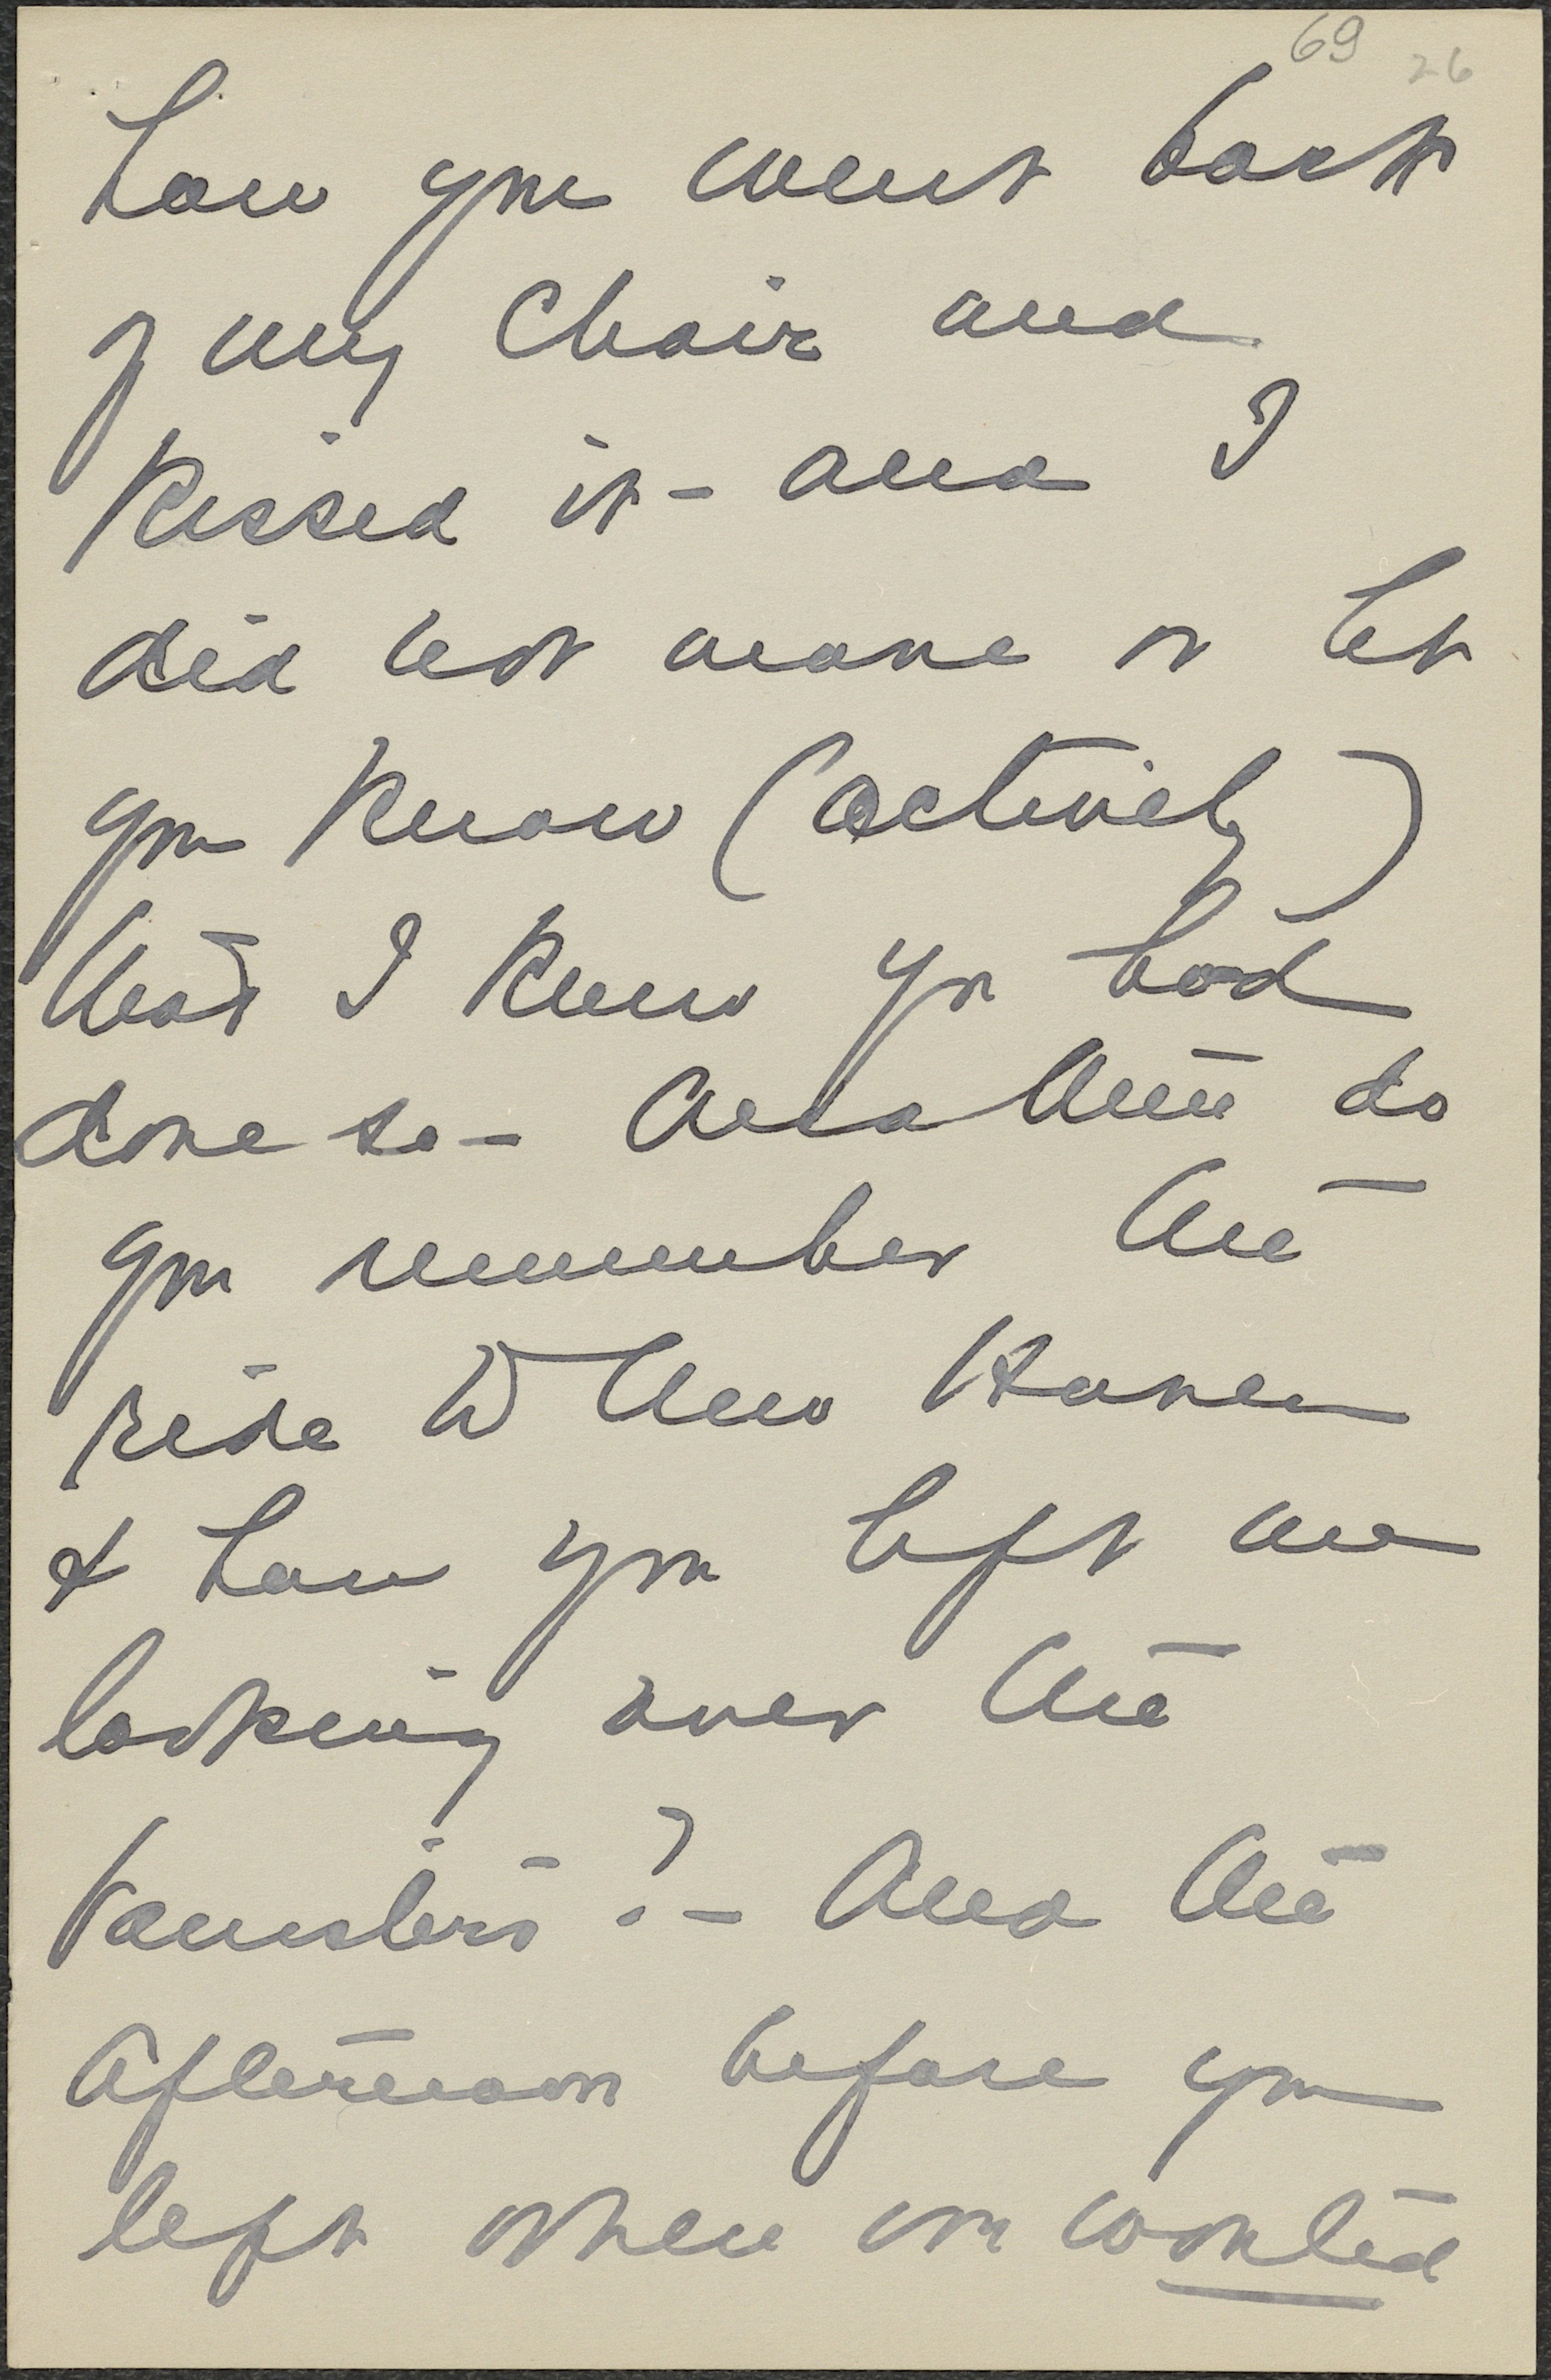how you went back of my chair and kissed it – and I did not move or let you know (actively) that I knew you had done so – and then do you remember the ride to New Haven and & how you left me looking over the banisters? – And the afternoon before you left when we wanted